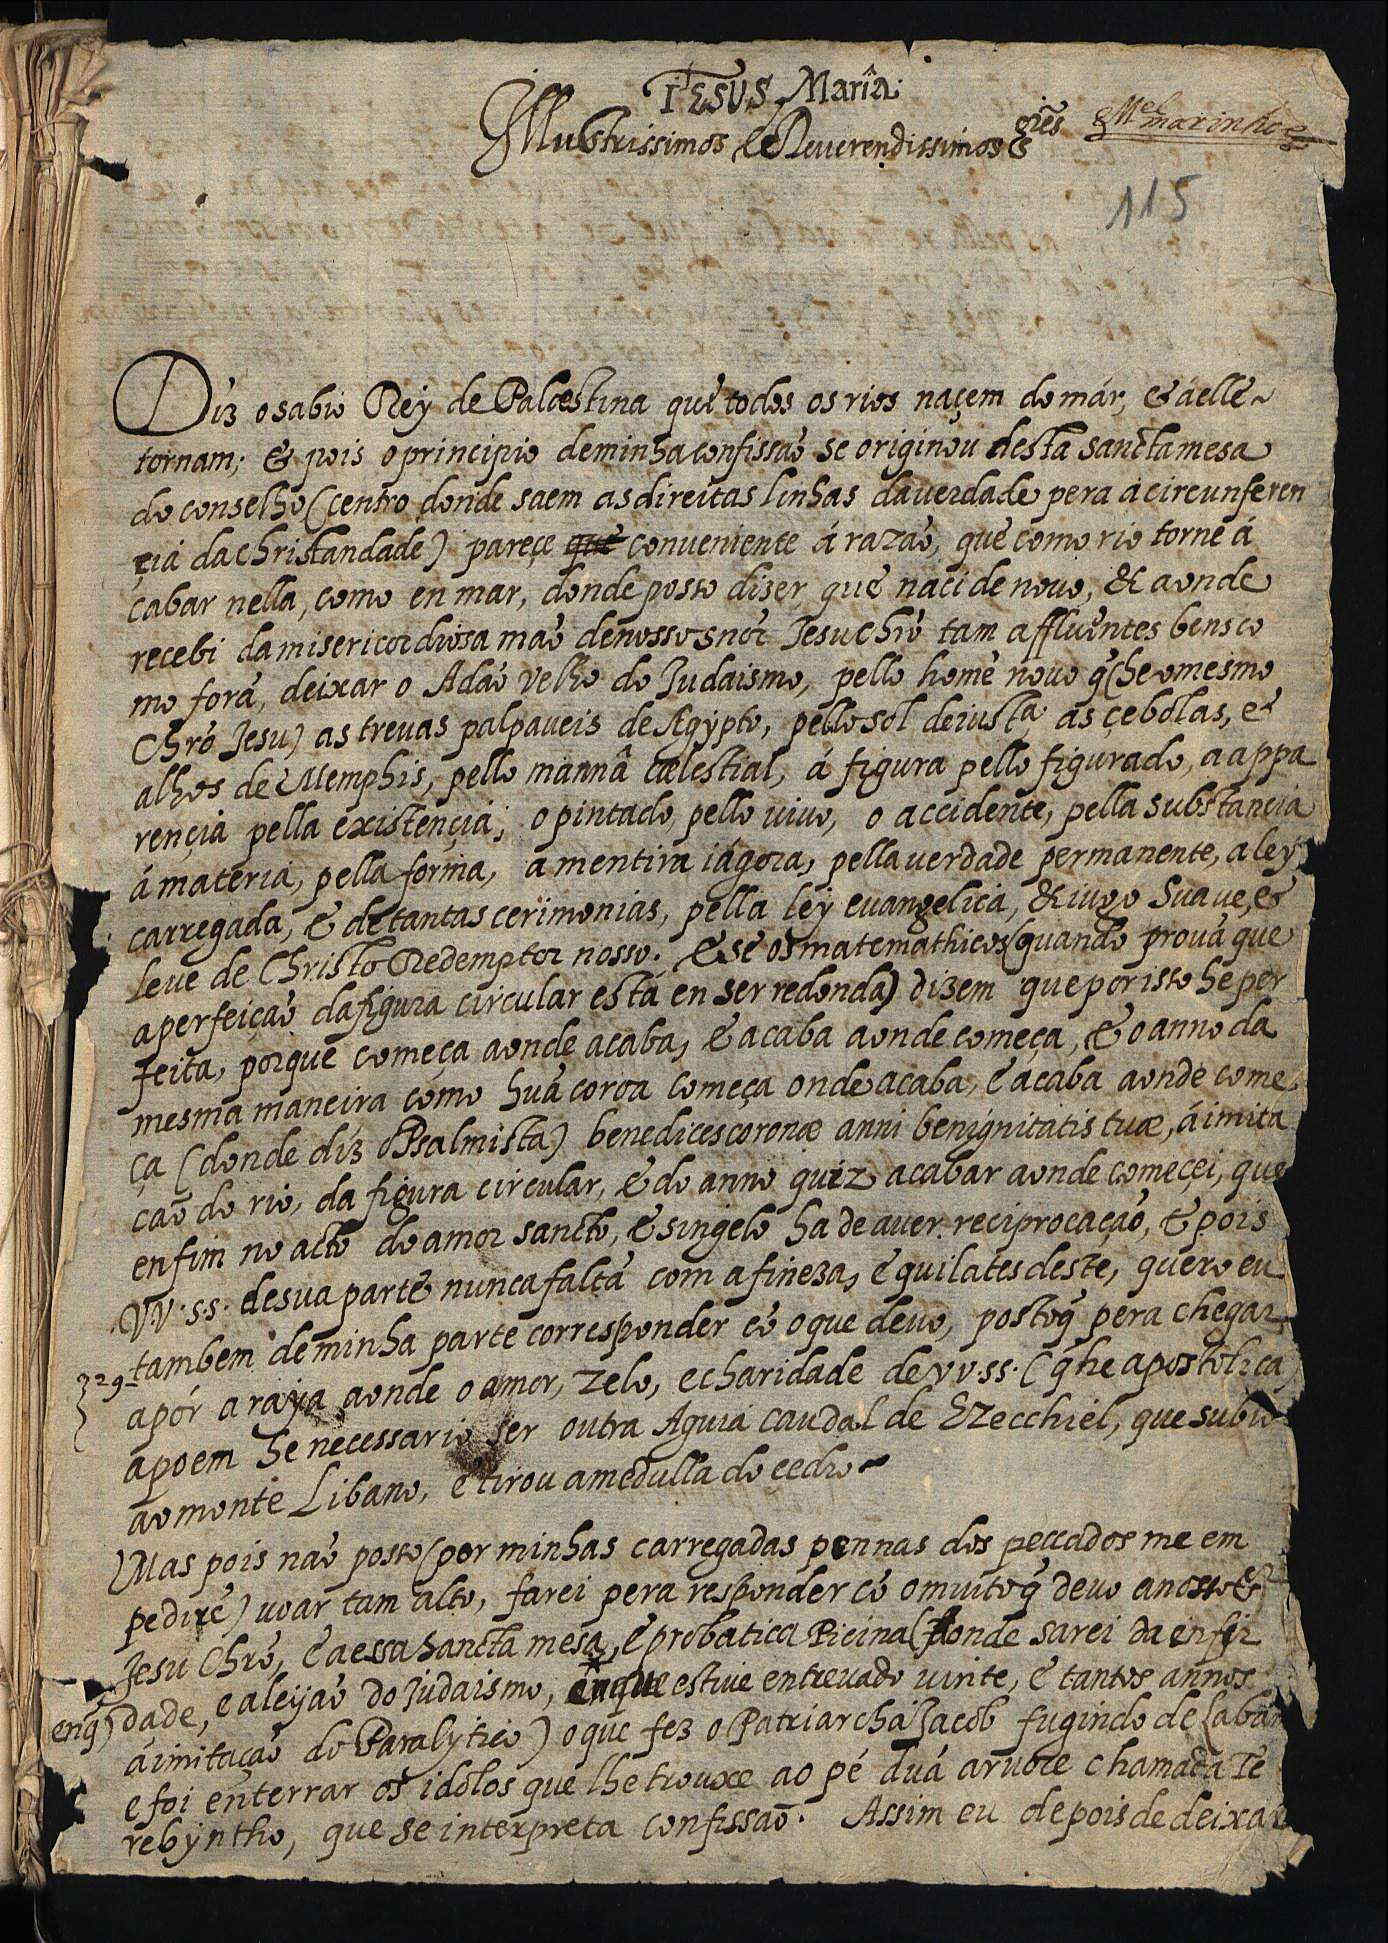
IESUS Maria
Illustrissimos e Reuerendissimos sorēs
Diz o sabio Rey de Palestina que todos os rios naçem do mar, & a elle
tornam; & pois o principio de minha confissão se originou desta sancta mesa
do conselho (centro donde saem as direitas linhas da uerdade pera a circunferen
çia da christandade) pareçe que conueniente á razaõ, que como rio forne á
cabar nella, como en mar, donde posso dizer que naci de nouo & aonde
recebi da misericordiosa maõ de nosso snor̄ Iesu chrō tam affluentes bens co
mo forā, deixar o Adaõ velho do Judaismo, pelo homē nouo q̄ (he o mesmo
Chrō Jesu) as treuas palpaueis de Ægypto pello sol de iusta, as çebolas, e
alhos de Memphis, pello mannâ cælestial, á figura pello figurado, a appa
rençia pella existençia, o pintado pello uiuo, o accidente, pella substancia
á materia, pella forma, a mentira iágora, pella uerdade permanente, a ley
carregada, E de tantas cerimonias, pella ley euangelica, & iugo Suaue, &
Leue de Christo Redemptor nosso. & se os matemathicos (quando naõ prouā que
a perfeiçaõ da figura circular está en ser redonda) dizem que por isso he per
feita, porque começa aonde acaba, E acaba aonde começa, & o anno da
mesma maneira como huā coroa começa onde acaba, e acaba aonde come
ça (donde diz o Psalmista) benedicescoronæ anni benignitatis tuæ, á imita
caõ do rio, da figura circular, e do anno quiz acabar aonde começei, que
enfim no acto do amor sancto, e singelo ha de auer recriprocaçaõ, & pois
.V.V. s.s. de sua parte nunca faltā com a fineza, e quilaes deste, quero eu
tambem de minha parte corresponder cō o que deuo, posto q̄ pera chegar
a pór a raya aonde o amor, zelo, e charidade de vv.ss. (q̄ he apostolica)
a poem he necessario ser outra Aguia caudal de Ezecchiel, que subio
ao monte Libano, e tirou a medulla do çedro
Mas pois naõ posso (por minhas carregadas pennas dos peccados me em
pedirē) uoar tam alto, farei pera responder cō o muito q̄ deuo a nosso sor
Jesu Chrō, e a essa Sancta mesa, e probatica Picina (aonde sarei da enfer
dade e aleijaõ do judaísmo, en que estiue entreuado uinte, e tantos annos
en q̄
á imitação do Paralytico) o que fez o Patriarcha Jacob fugindo de Laba
e foi enterrar os idolos que lhe trouxe ao pé duā aruore chamada Te
rebyntho, que se interpreta confissão. Assim eu depois de deixar
